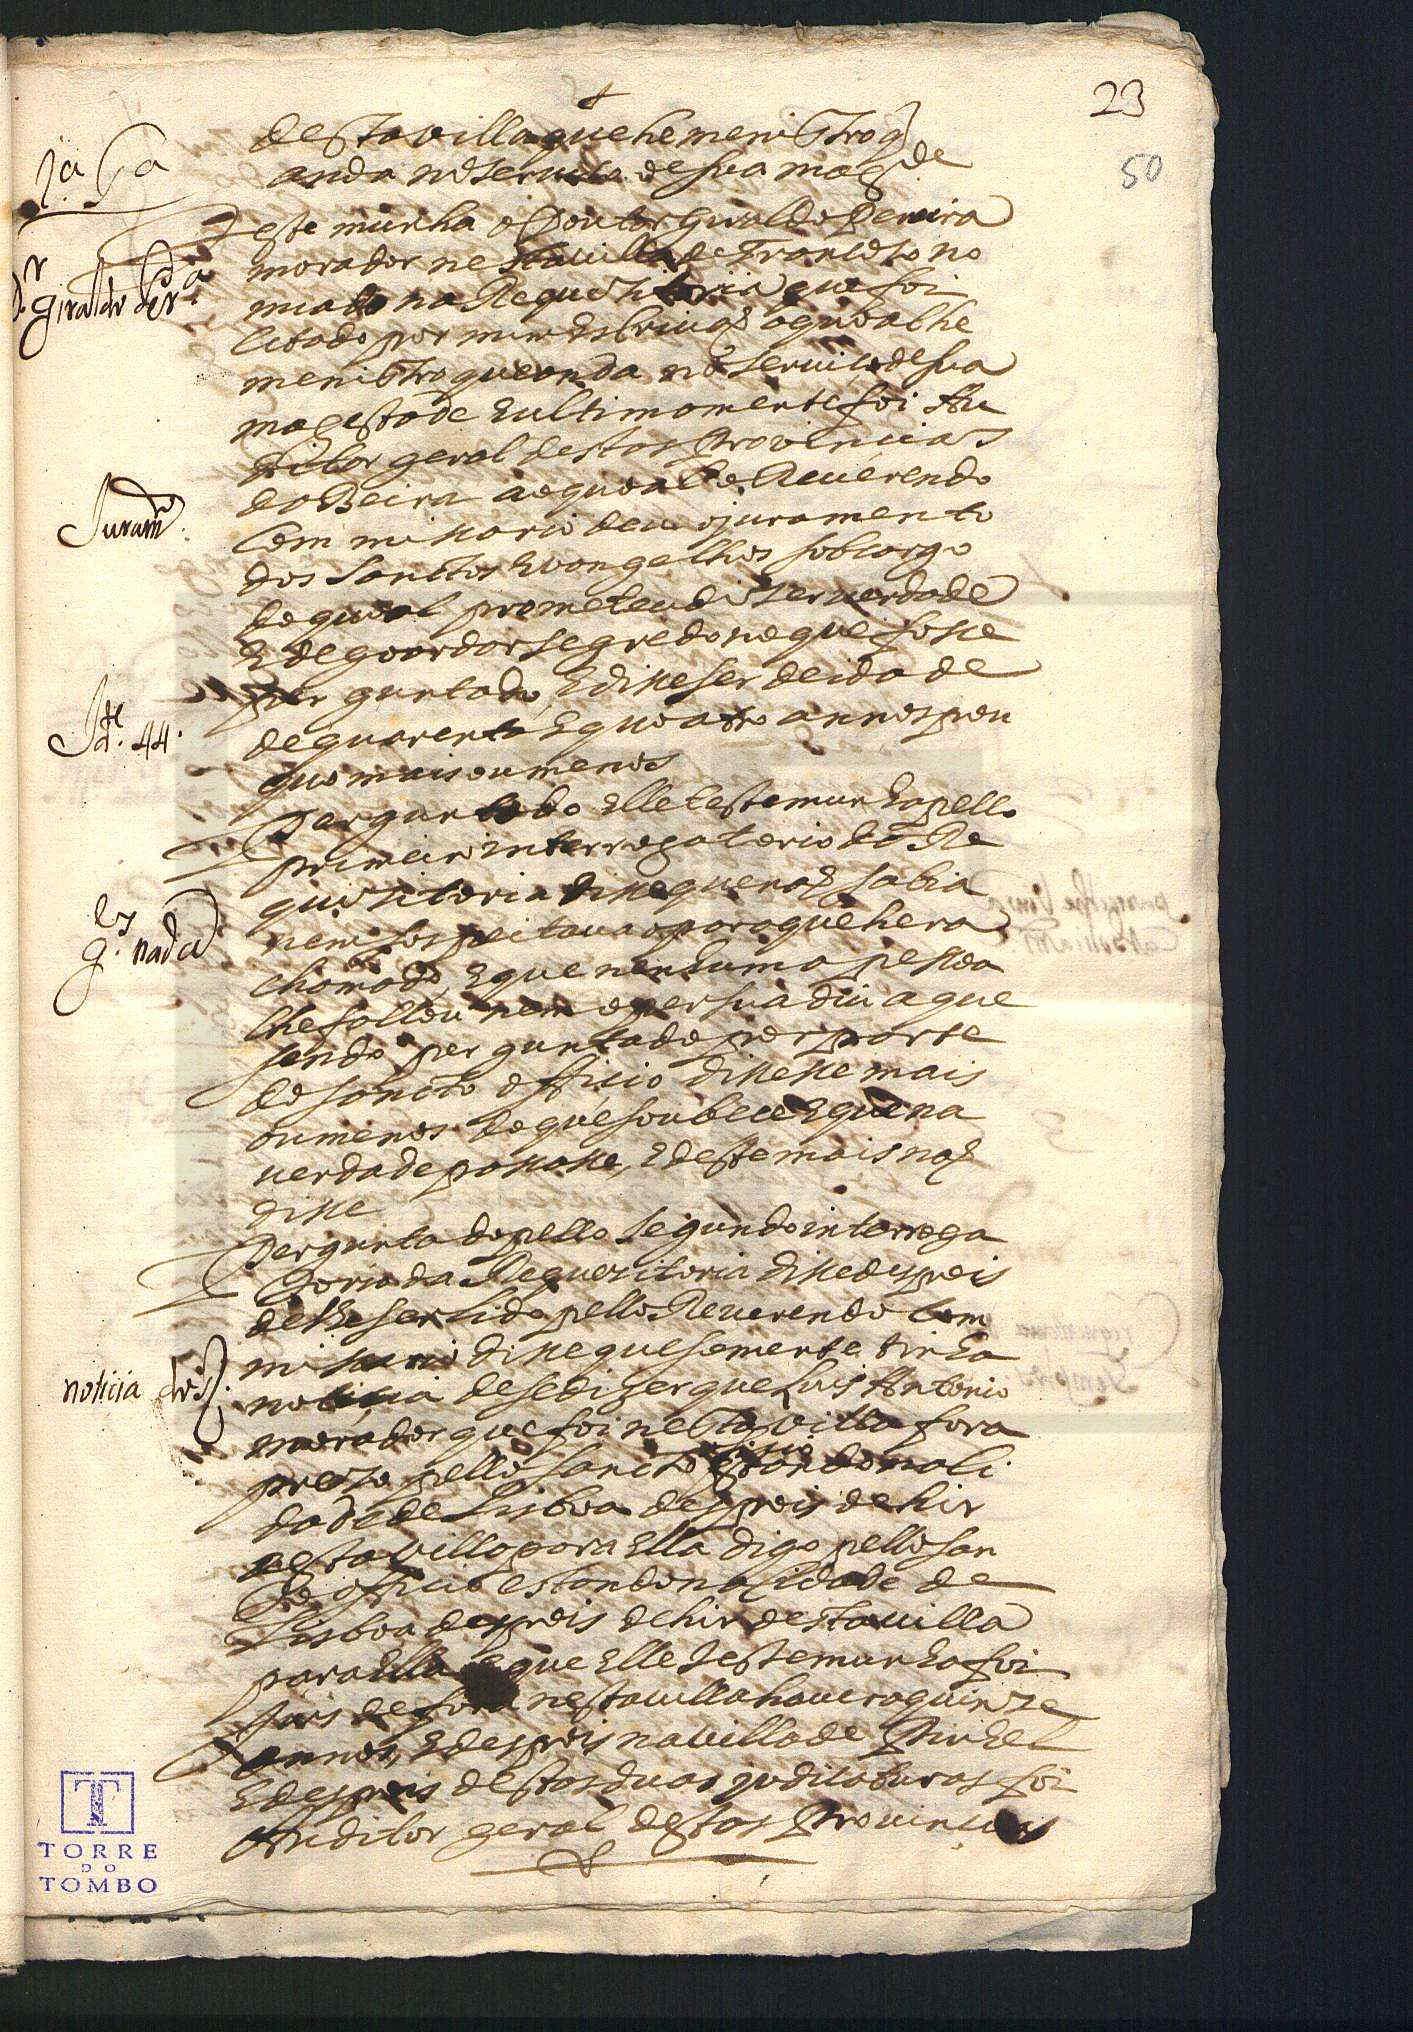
desta villa que he menistro q̄
anda no seruico de sua mag.de
Testemunha o Doutor giraldo Pereira
morador nesta uilla de Trancoso no
meado na Requezitoria que foi
Citado por mim EsCriuaõ o quoal he
menistro que anda no seruiço de sua
magestade E ultimamente foi Au
ditor geral destas Provinçias
da Beira ao quoal o Reuerendo
Commissario deu o juramento
dos Sanctos Evangelhos sob cargo
do quoal prometeu dizer uerdade
E de goardar segredo no que fosse
perguntado, E disse ser de idade
de quarenta E quoatro annos pou
quo mais ou menos
Perguntado elle testemunha pello
primeiro interrogatorio da Re
quizitoria disse que naõ sabia
nem sospeitaua o para que hera
chamado, E que nenhuma pessoa
lhe fallou nem o persuadiu a que
sendo perguntado por parte
do sancto offiçio dissesse mais
ou menos do que soubece E que na
uerdade passasse, E deste mais naõ
disse
Perguntado pello segundo interroga
torio da Requezitoria disse despois
de lhe ser lido pello Reuerendo Com
missario disse que somente tinha
notiçia de se dizer que Luis Antonio
morador que foi nesta villa fora
prezo pello sancto
ofisio
estando na Ci
dade de Lisboa depois de hir
desta villa para Ella digo pello san
to officio estando na Cidade de
Lisboa despois de hir desta uilla
para Ella E que Elle testemunha foi
Juis de fora nesta uilla hauera quinze
annos, E despois na uilla de Pinhel
E despois destas duas judicaturas foi
Auditor geral destas Prouinçias
I.a Ta
D.r giraldo Pera.
Iuramto.
Id̄e. 44.
ges. nada
noticia do R.
